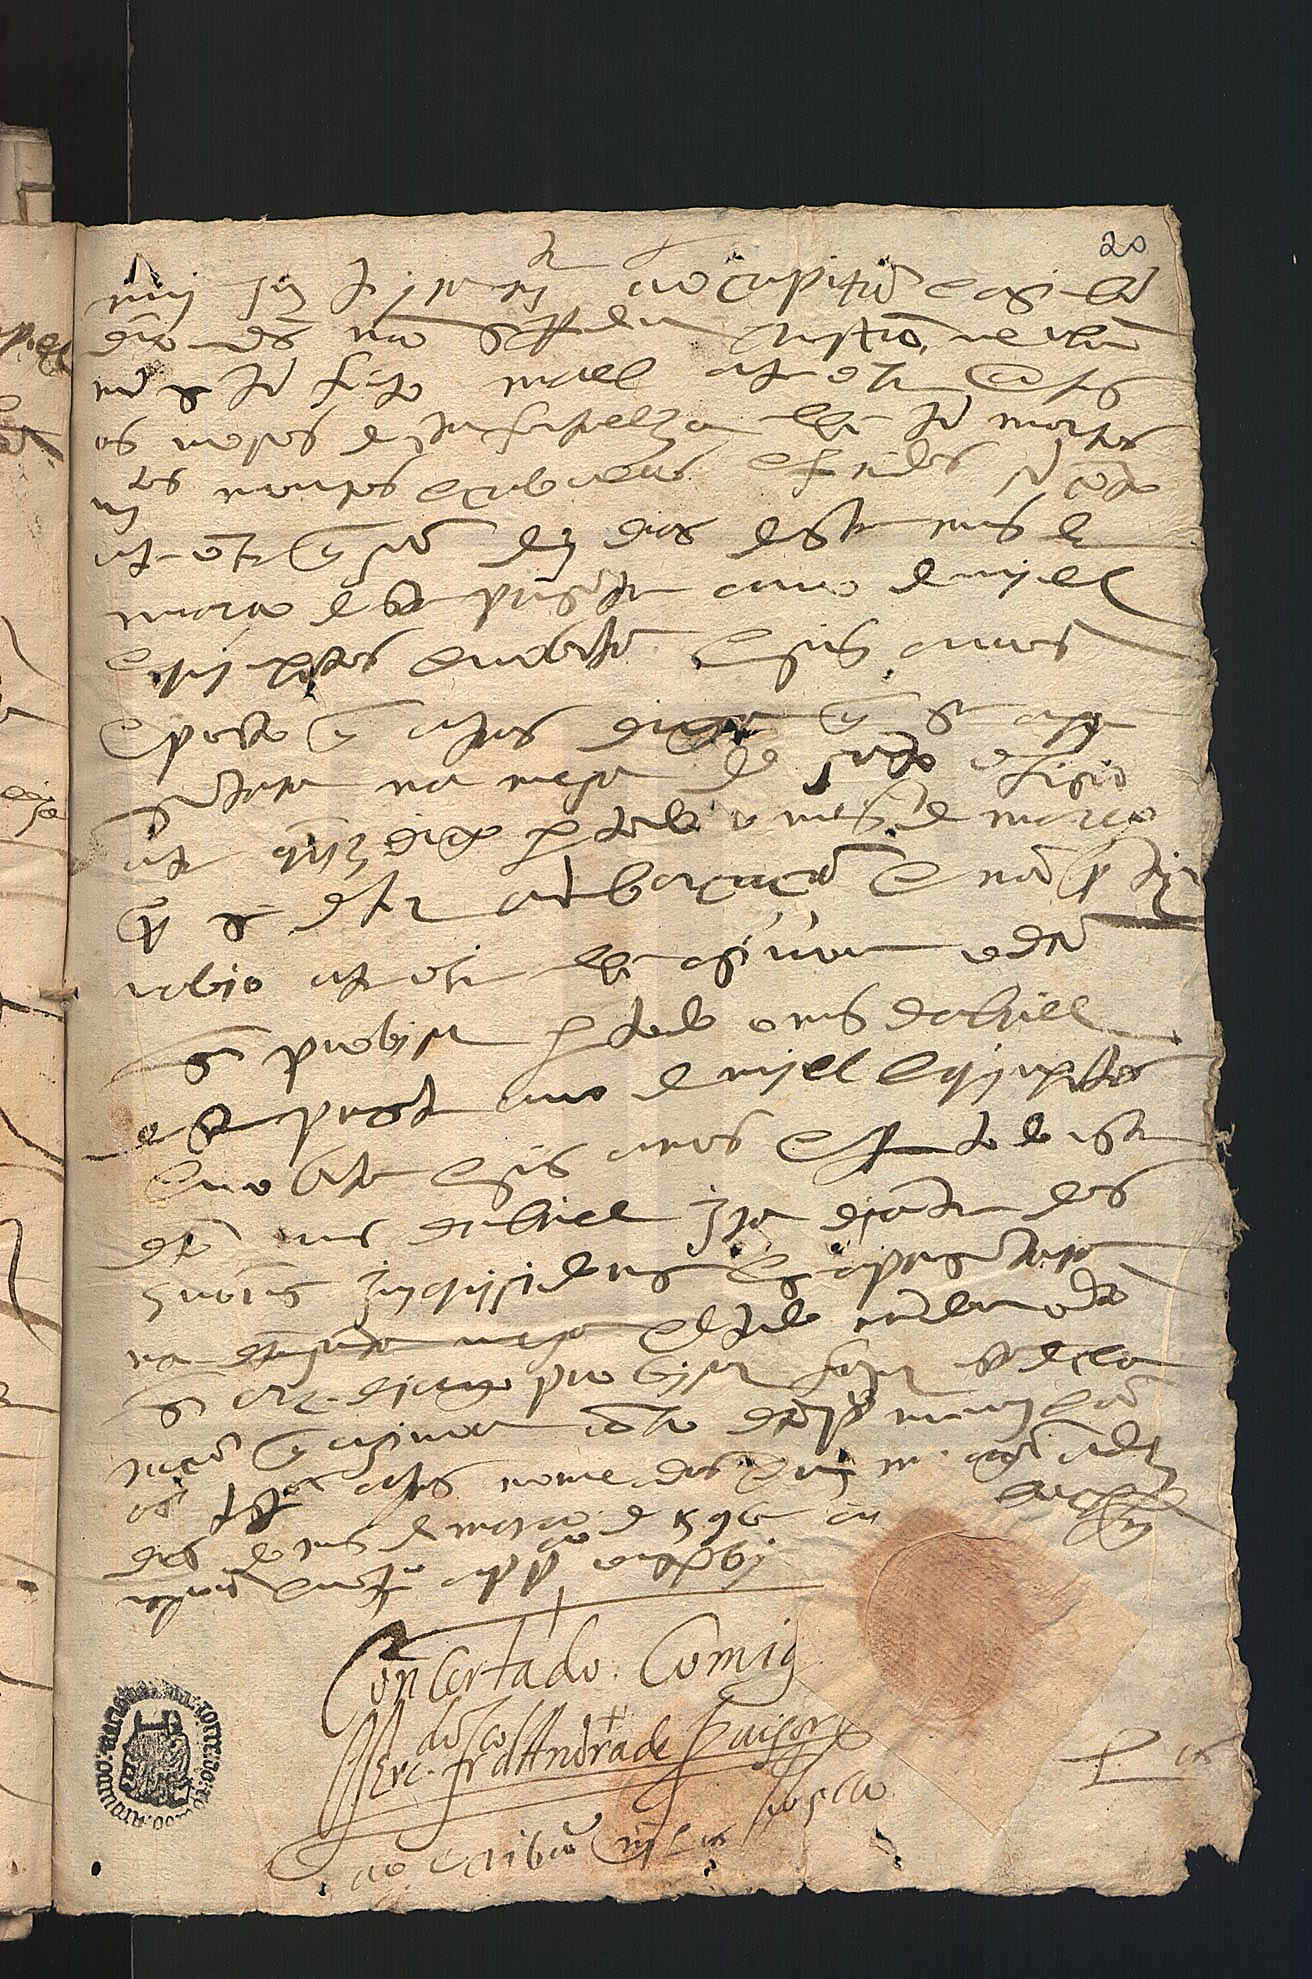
muj Jmtejramte ao capitaõ e asi bē
dito ds̄ não se ꝑdeu cristão nenhū
nē se tē feito mall ate oJe ātes
os moros desta fortalleza lhe tē mortos
mtos mouros e cavallos e feridos sē cōta
ate oJe q̄ saõ dez dias deste mes de
março deste presēte anno de mjll
e qujnhētos e novēta e seis annos
e posto q̄ atras diga q̄ se apre
sētara na mesa do sāto ofisio
ate quj̄ez digo ꝑ todo o mes de março
p̄o se deter a ēbarcaçaõ e naõ p̄tjr
navio ate oJe lhe asinou o dtō
s̄or provjsor ꝑ todo o mes dabrill
deste presēte ano de mjll e qujnhētos
e novēta e seis anos e ꝑ todo este
dt̄o mes dabrill Jra djāte dos
Snōres Jmqujsidores e se apresētara
na dt̄a sāta mesa e de tudo mādou o dtō
s̄r arcedjago provjsor fazer esta decla
raçaõ q̄ asinou c̄o ho dt̄o po nunez e cō
as testas atras nomeadas em m agão a dez
dias do mes de março de 1596 eu lchior frz̄
espuaõ e notro appco o espvj
Concertado Comig
O Arc.do frco dAndrade Ꝓuisor
L rs
ao sello
ao escrivaõ iijc L rs
